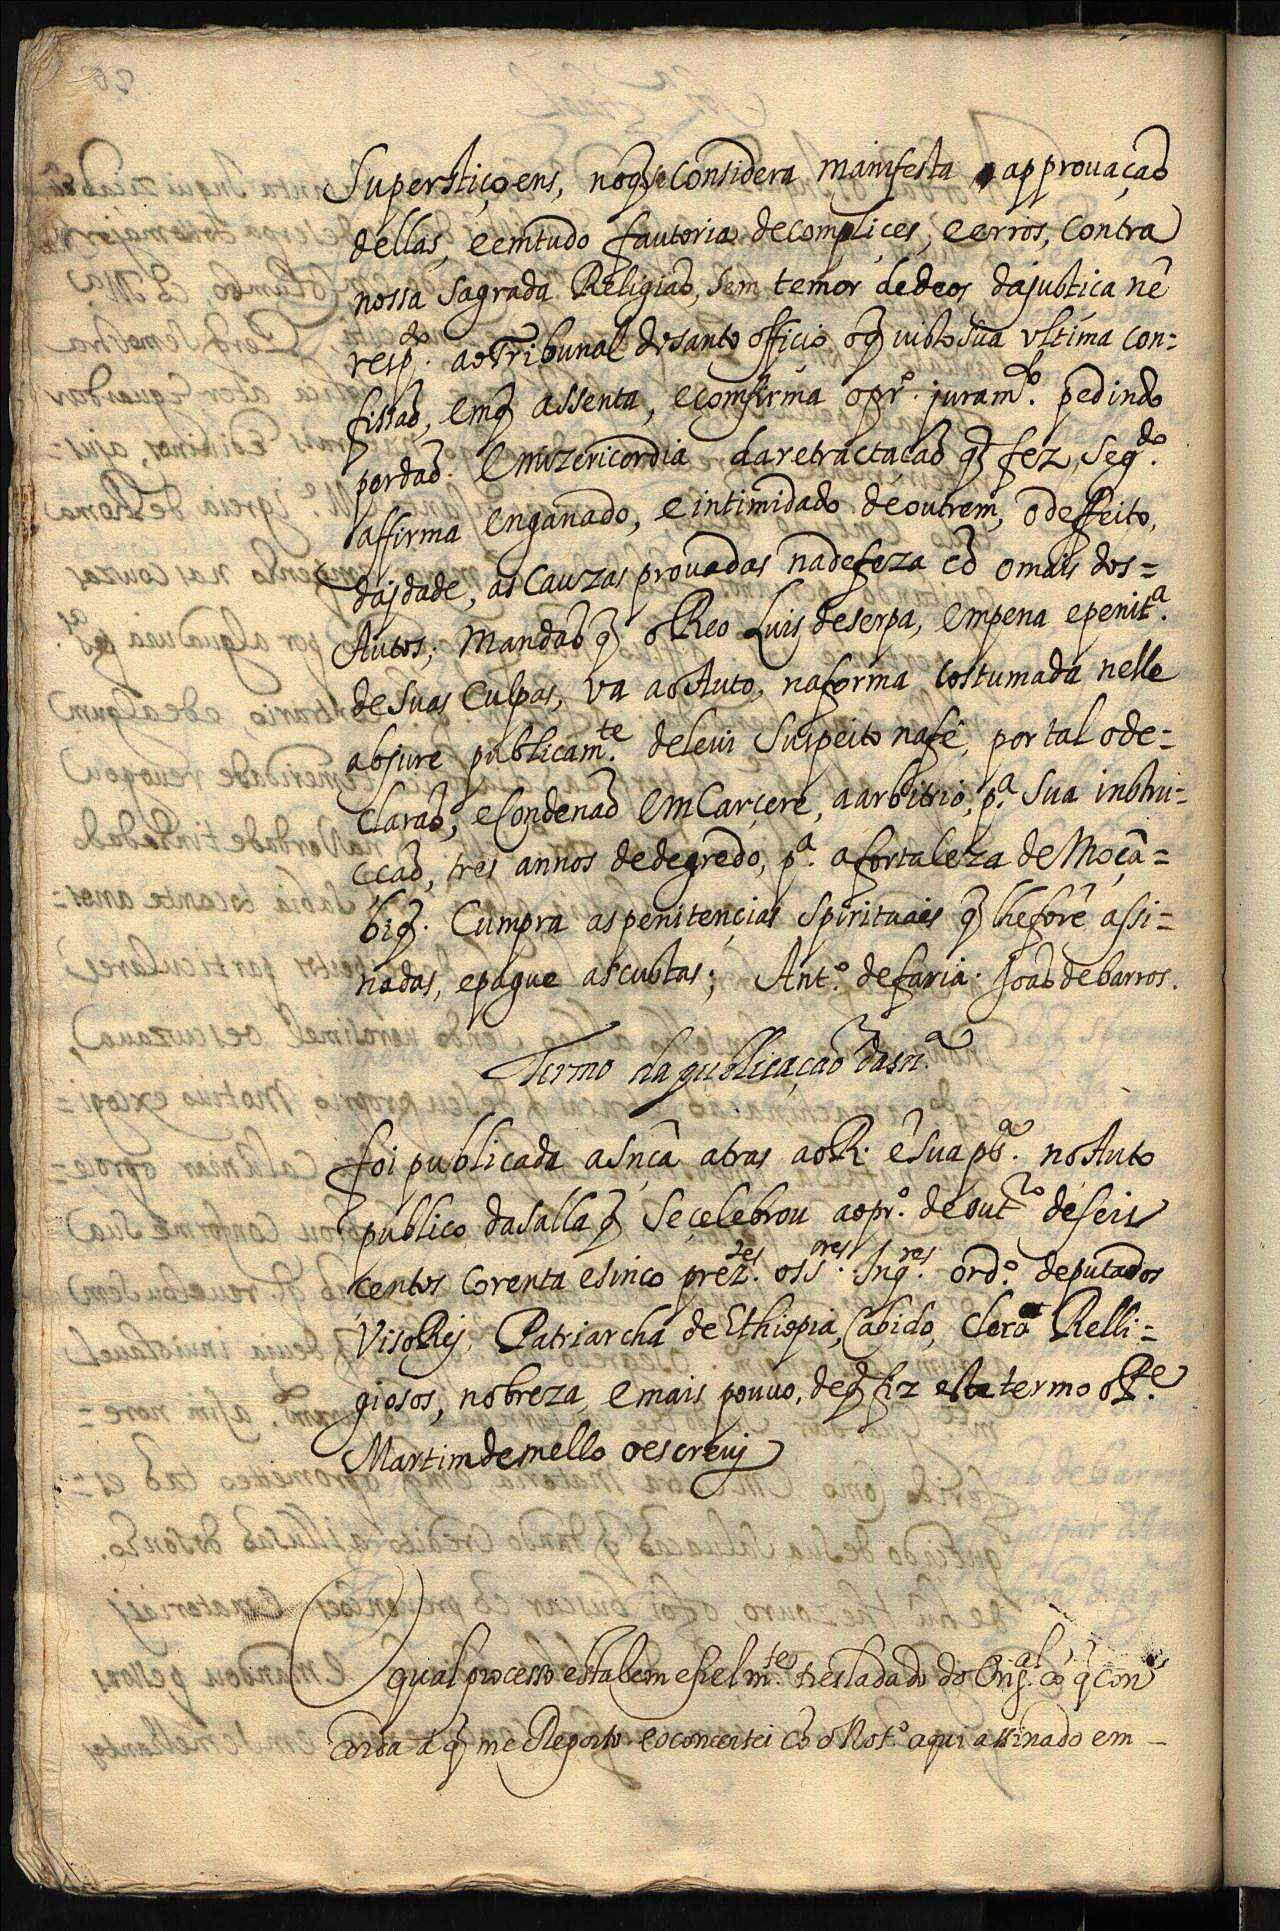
Superstiçoens, no q̄ se considera manifesta _ approuação
dellas, e em tudo fautoria de complices, e erros, contra
nossa Sagrada Religião, sem temor de deos da justiça nē
respto. ao Tribunal do santo officio o q̄ uisto sua vltima con
fissaõ, em q̄ assenta, e comfirma o pro. juramto. pedindo
perdão e mizericordia da retractação q̄ fez seg.do
affirma enganado, e intimidado de outrem, o deffeito,
da jdade, as cauzas prouadas na defeza cō o mais dos
Autos; mandaõ q̄ o Reo Luis de serpa, em pena e penita.
de Suas culpas, va ao Auto, na forma costumada nelle
abjure publicam.te de leui Suspeito na fé, por tal o de
claraõ, e Condenão em Carcere, a arbitrio, p.a Sua instru
cção, tres annos de degredo, pa. a fortaleza de Moçā
biq̄. Cumpra as penitencias Spirituaes q̄ lhe forē assi
nadas, e pague as custas; Ant.o de faria. João de barros.
Termo da publicaçaõ da sna.
foi publicada a snçā atras ao R. ē sua psa. no Auto
publico da salla q̄ Se celebrou ao pr.o de outro de seis
centos corenta e sinco prez.tes os sores. Inqres. ord.o deputados
Viso Rej Patriarcha de Ethiopia, Cabido, clero Relli
giosos, nobreza, e mais pouuo, de q̄ fiz este termo o P.e
Martim de mello o escreuj
O qual processo esta bem e fielm.te tresladado do Orig.al cō q̄ con
corda a q̄ me Reporto e o concertei cō o Not.o aqui assinado em -
